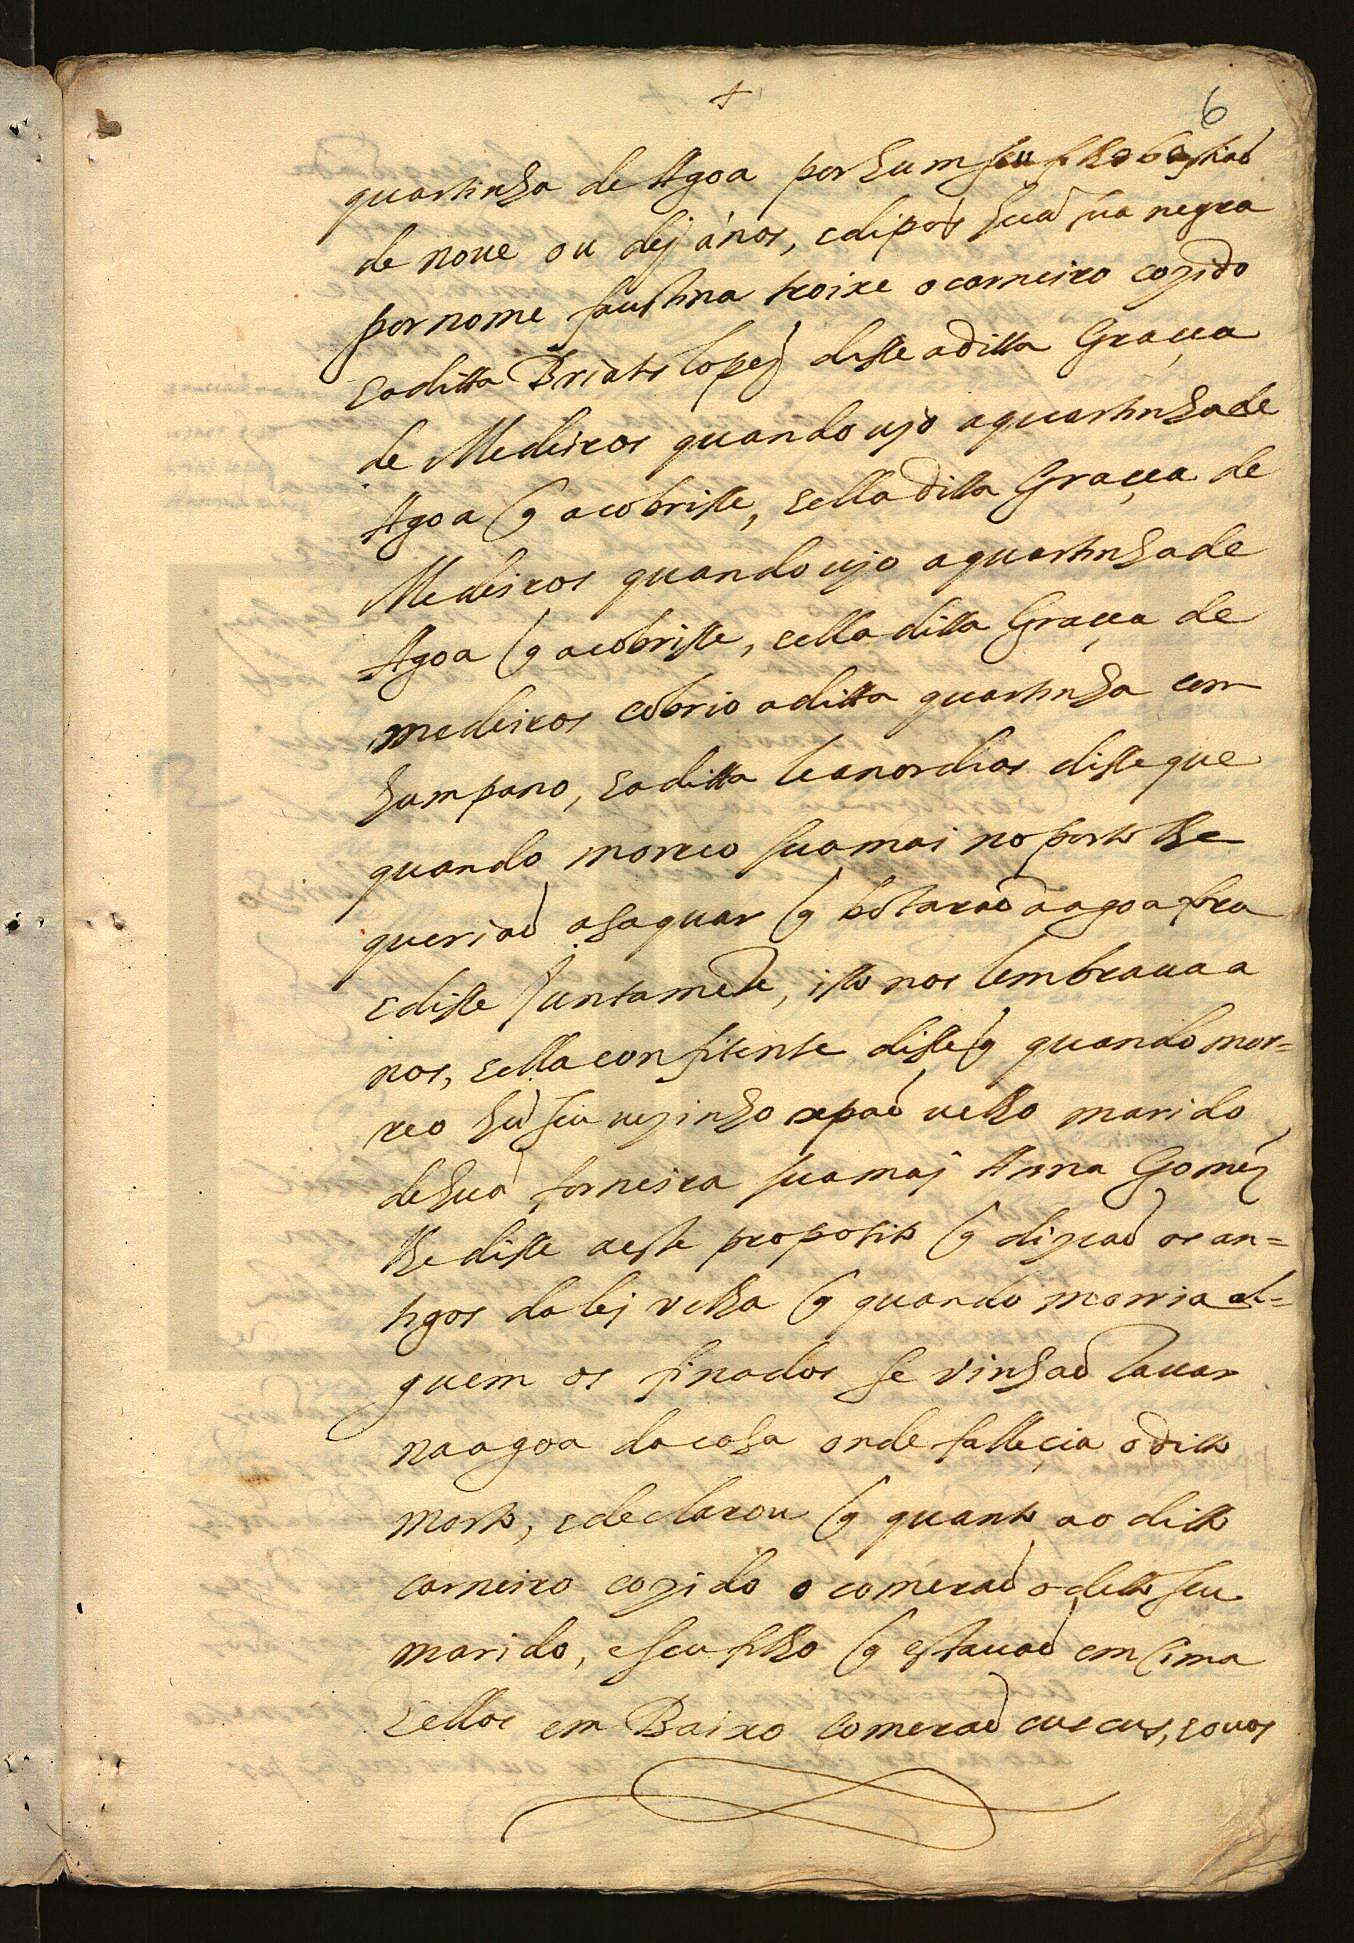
quartinha de Agoa per hum seu filho bastiaõ
de noue ou dez an̄os, e dipois huā sua negra
por nome faustina troixe o carneiro cozido
E a ditta Briatris lopez̄ disse a ditta Graçia
de Medeiros quando ujo a quartinha de
Agoa q̄ a cobrisse, E ella ditta Graçia de
Medeiros quando ujo a quartinha de
Agoa q̄ a cobrisse, e ella ditta Graçia de
medeiros cobrio a ditta quartinha com
hum pano, E a ditta leanor dias disse que
quando morreo sua mai no porto lhe
queriaõ asaquar q̄ botaraõ a agoa fora
E disse Juntamēte, isso nos lembraua a
nos, E ella confitente disse q̄ quando mor
reo hū seu uezinho xpaõ uelho marido
de huā forneira sua maj Anna Gomez̄
lhe disse a este proposito q̄ diziaõ os an
tigos da lej velha q̄ quando morria al
guem os finados se vinhaõ lauar
na agoa da casa onde falleçia o ditto
morto, E declarou q̄ quanto ao ditto
carneiro cozido o comeraõ o ditto seu
marido, e seu filho q̄ estauaõ em Cima
E ellas em Baixo comeraõ cuscus, E ouos
